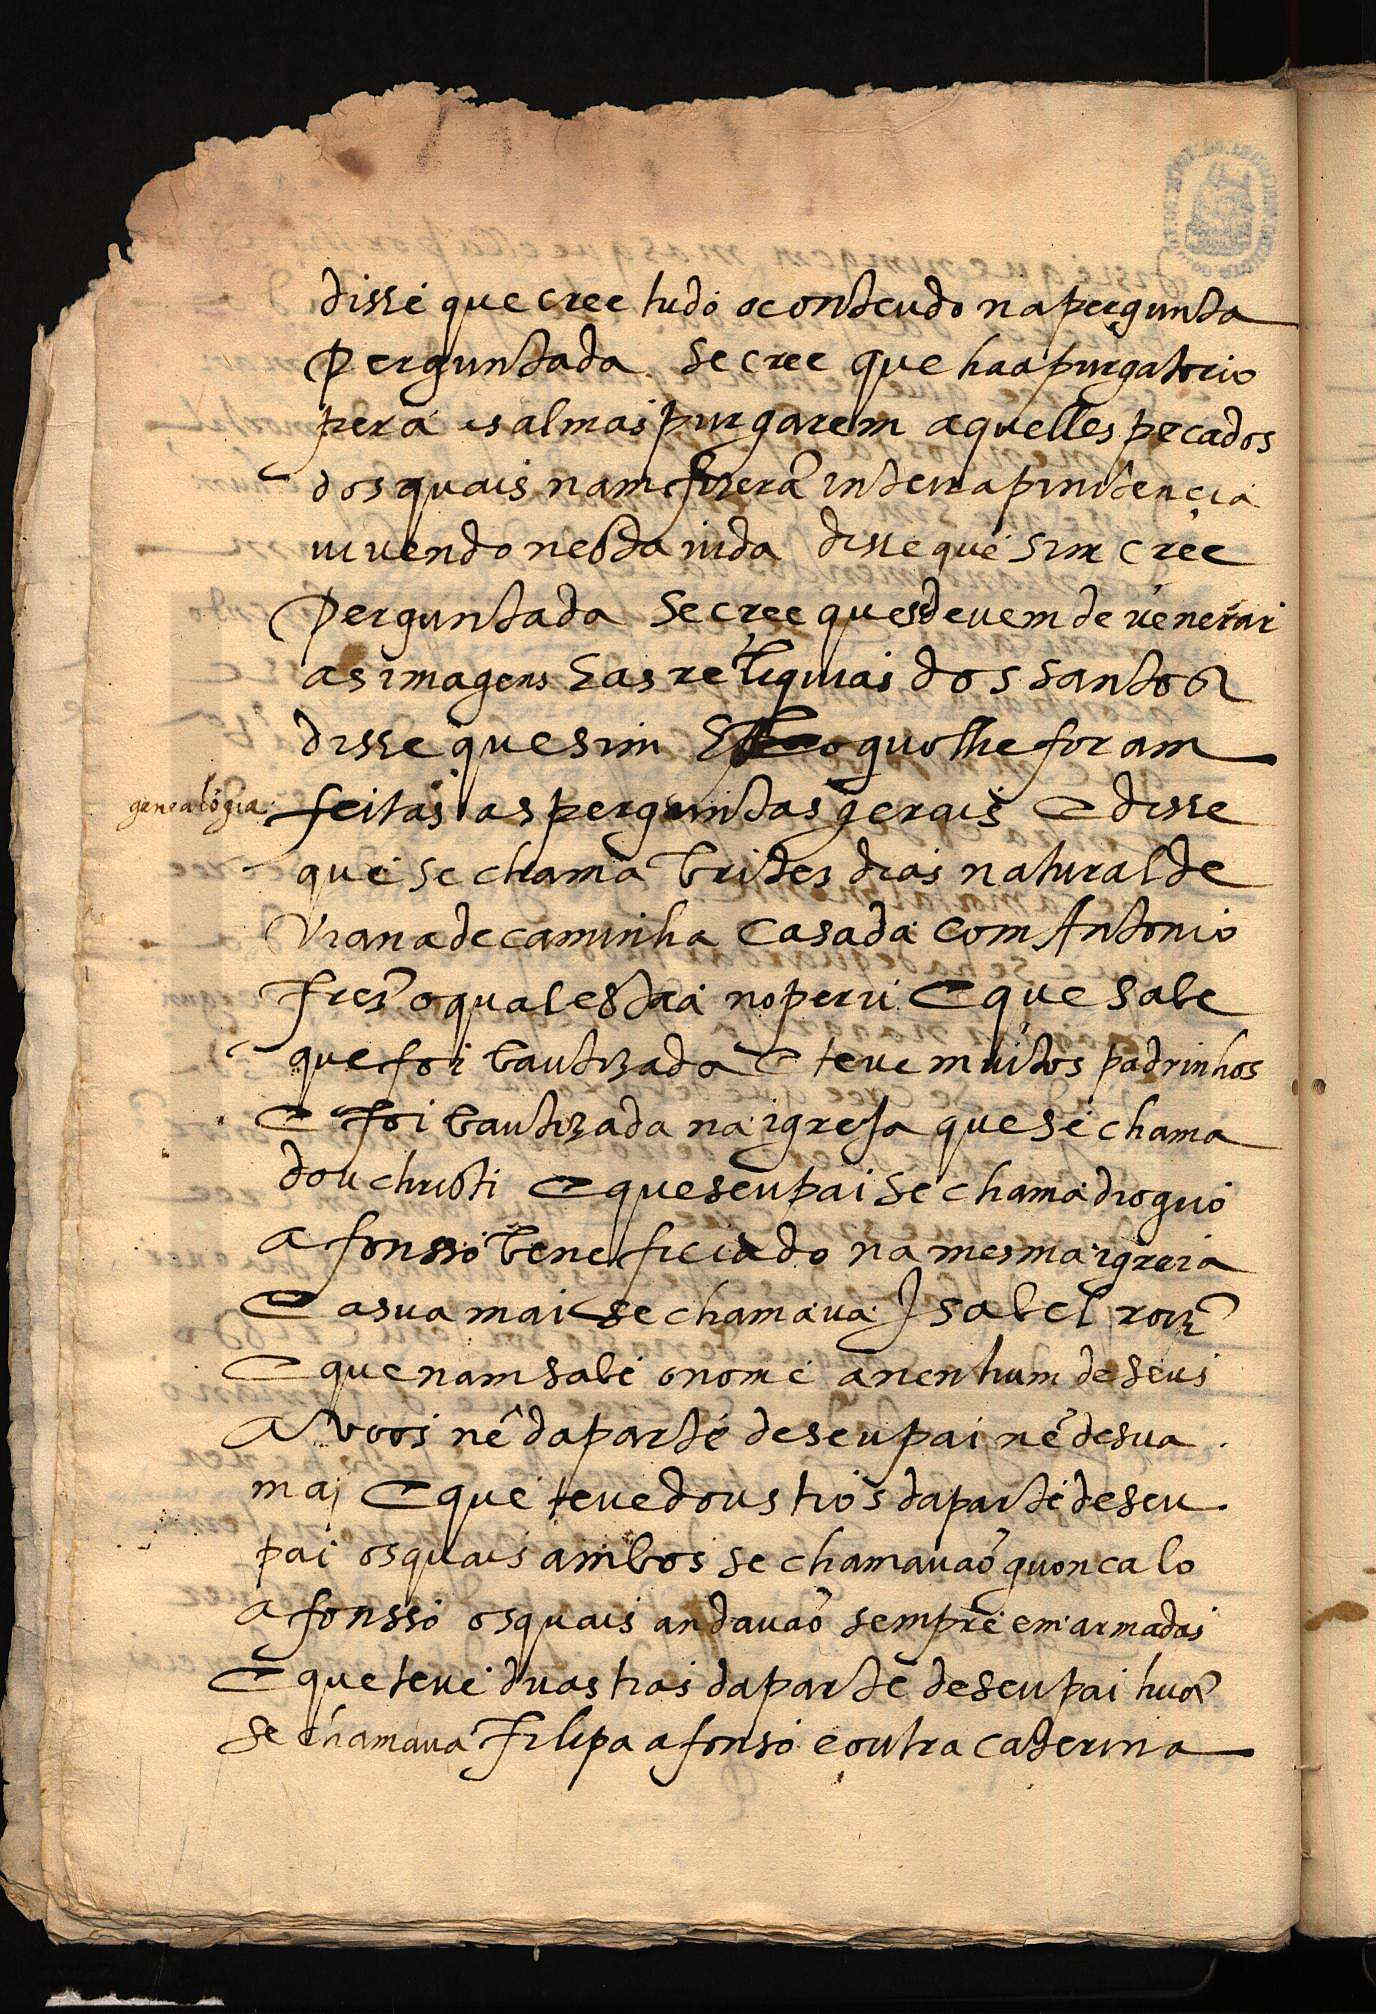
disse que cree tudo o conteudo na pergunta
perguntada. se cree que haa purgatorio
pera as almas purgarem aquelles pecados
dos quais nam fizerā inteira pinitençia
uiuendo nesta uida disse que sim cree
Perguntada se cree que se deuem de uenerar
as imagens E as reliquias dos santos
disse que sim E loguo lhe foram
feitas as pergunctas gerais e disse
que se chama brites dias natural de
Viana de caminha casada com Antonio
frez̄ o qual estaá no peru e que sabe
que foi bautizada e teue muitos padrinhos
e foi bautizada na igreJa que se chama
dou christi e que seu pai se chama dioguo
afonsso beneficiado na mesma igreia
e a sua mai se chamaua Jsabel roiz̄
e que nam sabe o nome a nenhum de seus
avoos nē da parte de seu pai nē de sua
maj e que teue dous tios da parte de seu
pai os quais ambos se chamauaõ guoncalo
afonsso os quais andauaõ sempre em armadas
e que teue duas tias da parte de seu pai huã
se chamaua filipa afonso e outra caterina
